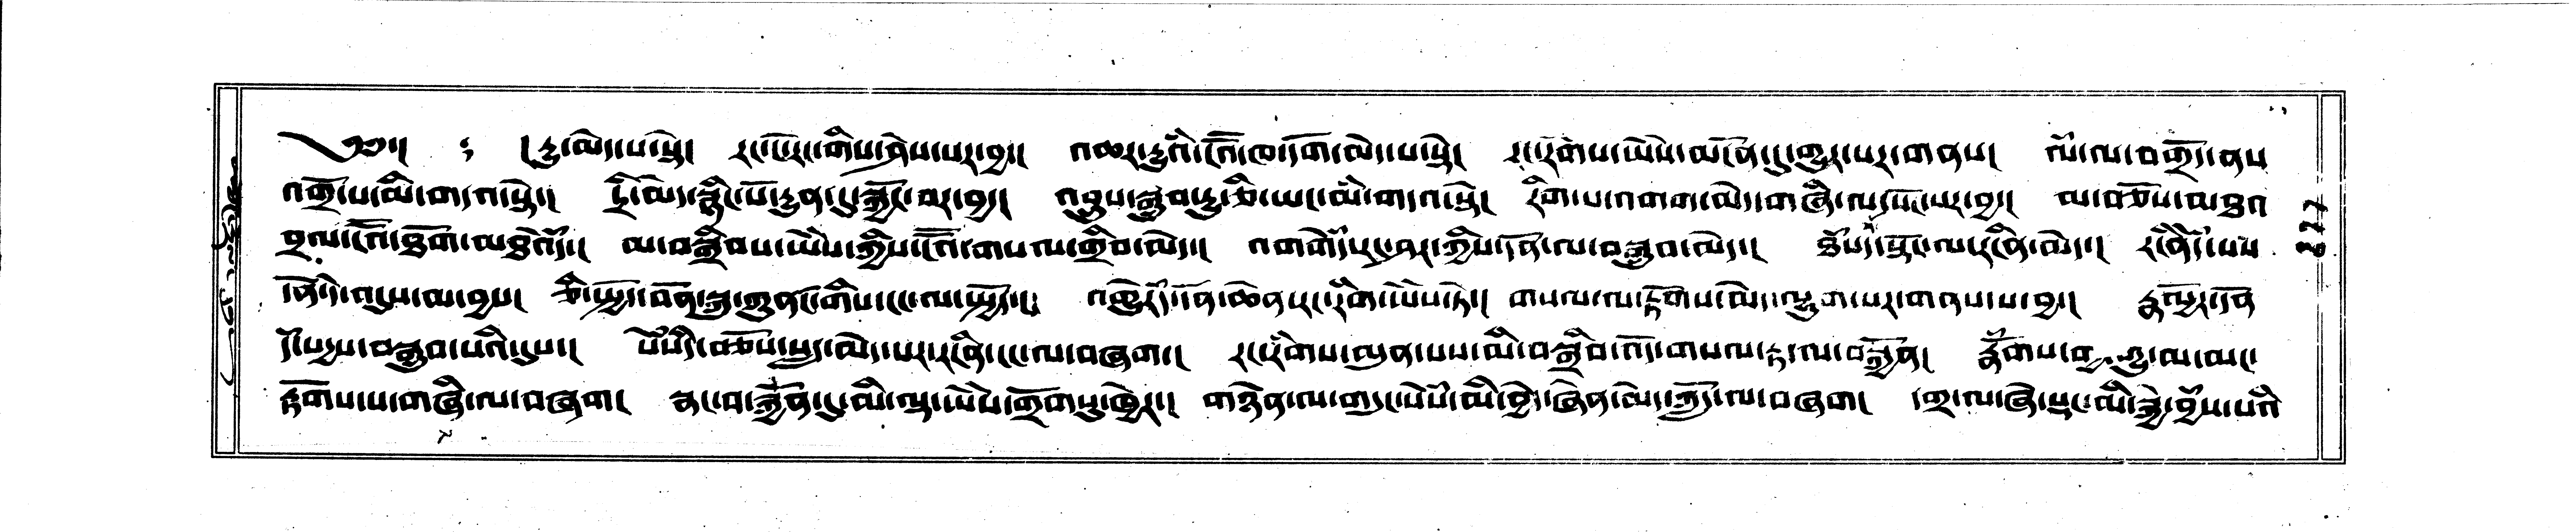རྒྱུ་མེད་པ་སྟེ། རང་གི་རང་ངོ་ཤེས་པར་བྱ། འཆར་རྒྱུའི་ངོའོ་ཁ་དོག་མེད་པ་སྟེ། རང་རིག་ཡེ་ཤེས་མངོན་དུ་གྱུར་པར་བྱ། ལམ་ལ་བསྒྲོད་ན་
འགྲོ་ས་མི་གདའ་སྟེ། དྲི་མེད་སྙིང་པོ་རྒྱུན་དུ་སྐྱོངས་པར་བྱ། འབྲས་བུ་སྒྲུབས་རྒྱུ་ཅི་ཡང་མི་གདའ་སྟེ། རིག་པ་འགགས་མེད་གཞི་ལ་སངས་པར་བྱ། མ་བཅོས་མཐའ་
བྲལ་གྱིས་ངོའོ་ལ་ཐོག་མཐའ་མེད། མ་སྒྲིབ་ཡེ་ཤེས་ཀྱི་ངོའོ་ལ་གསལ་འགྲིབ་མེད། གྷག༼འགག༽རང་ཤར་གྱིས་དོན་ལ་བཀའ་སྒྲུབས་མེད། ཐམས་སྟོང་ལ་རང་མེད། རང་བཞིན་པའི་
དོན་དེ་འདུས་མ་བྱས། ཅི་སྤྱོད་བོན་སྐུ་ཀུན་བཟང་གི་ངང་དུ་སྤྱོད། འགྱུར་མེད་དོན་ཆེན་རང་རིག་ཡེ་ཤེས་སྟེ། གསལ་ལ་རྟོག་མེད་ལྷུག་པར་གནས་པར་བྱ། རྣལ་འབྱོར་དོན་
དམ་སངས་རྒྱས་བསྒྲུབ་པའི་དུས། སེམས་ཉིད་བཅོས་བསླད་མེད་པར་རང་རིག་ངང་ལ་བཞག རང་རིག་མུན་པས་མ་སྒྲིབ་འོད་གསལ་རྟ་ལ་བསྐྱོན། རྣམ་རྟོག་གྱ་གྱུ་མི་མང་
རྟོག་པ་གཞིག་ལ་བཞག སྣང་བ་སྐྱོན་དུ་མི་ལྟ་ཡེ་ཤེས་གྲོགས་སུ་ཁྱེར། གཉེན་ལ་གདུང་སེམས་མི་བསྐྱེད་ཞན་མེད་ཀློད་ལ་ཞོག དགྲ་ལ་ཞེ་སྡང་མི་བསྐྱེད་མཉམས་པའི་